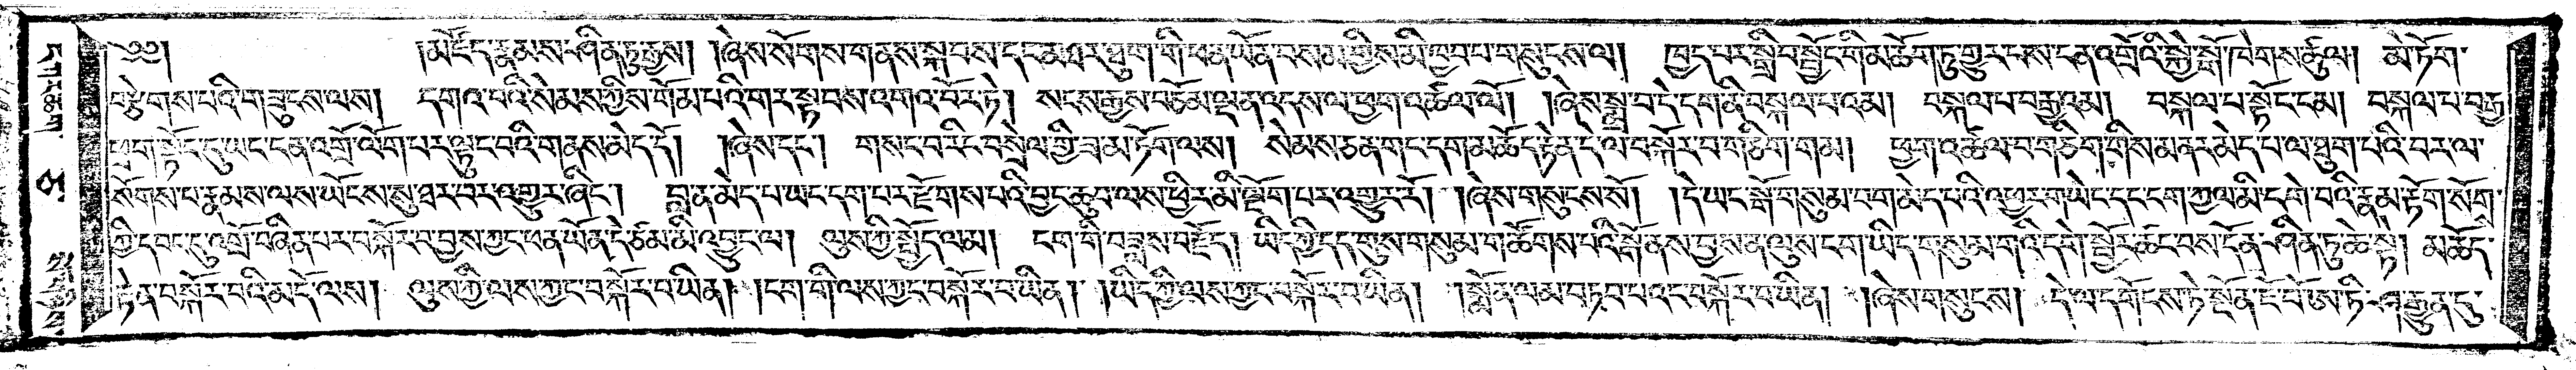༄༅། །མཛོད་རྣམས་ཤིན་ཏུ་རྒྱས། །ཞེས་སོགས་གནས་སྐབས་དང་མཐར་ཐུག་གི་ཕན་ཡོན་བསམ་གྱིས་མི་ཁྱབ་པ་གསུངས་ལ། ཁྱད་པར་སྒྲིབ་སྦྱོང་གི་མཆོག་ཏུ་གྱུར་པས་ངན་འགྲོའི་སྐྱེ་སྒོ་ཁེགས་ཚུལ། མེ་ཏོག་
བརྩེགས་པའི་གཟུངས་ལས། དགའ་བའི་སེམས་ཀྱིས་གོམ་པའི་གར་སྟབས་འགའ་བོར་ཏེ། སངས་རྒྱས་བཅོམ་ལྡན་འདས་ལ་ཕྱག་འཚལ་ལོ། །ཞེས་སྨྲ་བདེ་དག་ནི་བསྐལ་པའམ། བསྐལ་པ་བརྒྱའམ། བསྐལ་པ་སྟོང་ངམ། བསྐལ་པ་བརྒྱ་
ཕྲག་སྟོང་དུ་ཡང་ངན་འགྲོ་ལོག་པར་ལྟུང་བའི་གནས་མེད་དོ། །ཞེས་དང་། གསང་བ་རིང་བསྲེལ་གྱི་ཟ་མྟོག་ལས། སེམས་ཅན་གང་དག་མཆོད་རྟེན་དེ་ལ་བསྐོར་བ་གཅིག་གམ། ཕྱག་འཚལ་བ་གཅིག་གིས་མནར་མེད་པ་ལ་ཐུག་པའི་བར་ལ་
སོགས་པ་རྣམས་ལས་ཡོངས་སུ་ཐར་བར་འགྱུར་ཞིང་། བླ་ན་མེད་པ་ཡང་དག་པར་རྫོགས་པའི་བྱང་ཆུབ་ལས་ཕྱིར་མི་ལྡོག་པར་འགྱུར་རོ། །ཞེས་གསུངས་སོ། །དེ་ཡང་སྒོ་གསུམ་བག་མེད་པའི་འཕྱར་གཡེང་དང་ངག་ཀྱལ་མི་དགེ་བའི་རྣམ་རྟོག་སོགས་
ཀྱི་དབང་དུ་འགྲོ་བཞིན་པར་བསྐོར་བ་བྱས་ཀྱང་ཕན་ཡོན་དེ་ཙམ་མི་འབྱུང་ལ། ལུས་ཀྱི་སྤྱོད་ལམ། ངག་གི་བཟླས་བརྗོད། ཡིད་ཀྱི་དད་གུས་གསུམ་ག་ཚོགས་པའི་སྒོ་ནས་བྱས་ན་ལུས་ངག་ཡིད་གསུམ་གའི་དགེ་སྦྱོར་ཚང་བས་དོན་ཤིན་ཏུ་ཆེ་སྟེ། མཆོད་
རྟེན་བསྐོར་བའི་མདོ་ལས། ལུས་ཀྱི་ལས་ཀྱང་བསྐོར་བ་ཡིན། །ངག་གི་ལས་ཀྱང་བསྐོར་བ་ཡིན། །ཡིད་ཀྱི་ལས་ཀྱང་བསྐོར་བ་ཡིན། །སྨོན་ལམ་བཏའ་པའང་བསྐོར་བ་ཡིན། །ཞེས་གསུངས། དེ་ལ་དགོངས་ཏེ་སྔོན་ཇོ་བོ་ཨ་ཏི་ཤ་རྒྱུན་དུ་